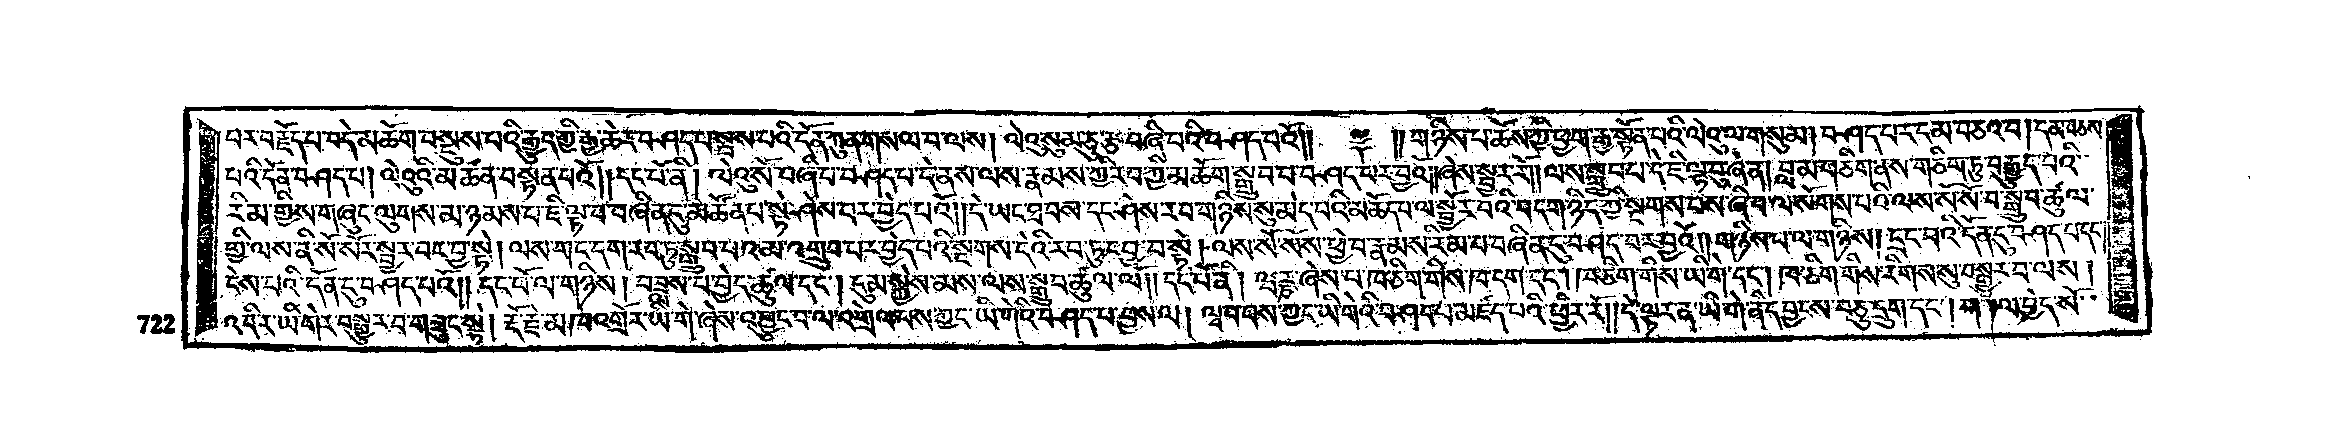པར་བརྗོད་པ་བདེ་མཆོག་བསྡུས་པའི་རྒྱུད་ཀྱི་རྒྱ་ཆེར་བཤད་པ་སྦས་པའི་དོན་ཀུན་གསལ་བ་ལས། ལེའུ་སུམ་ཅུ་རྩ་བཞི་པའི་བཤད་པའོ།། ༈ །།གཉིས་པ་ཆོས་ཀྱི་ཕྱག་རྒྱ་སྟོན་པའི་ལེའུ་ལ་གསུམ། བཤད་པར་དམ་བཅའ་བ། དམ་བཅས་
པའི་དོན་བཤད་པ། ལེའུའི་མཚན་བསྟན་པའོ། །དང་པོ་ནི། ལེའུ་སོ་བཞི་པ་བཤད་པ་དེ་ནས་ལས་རྣམས་ཀྱི་རབ་ཀྱི་མཆོག་སྒྲུབ་པ་བཤད་པར་བྱའོ། །ཞེས་སྦྱར་རོ། །ལས་སྒྲུབ་པ་དེ་ཇི་ལྟ་བུ་ཞེ་ན། བླ་མ་གཅིག་ནས་གཅིག་ཏུ་བརྒྱུད་པའི་
རིམ་གྱིས་གཞུང་ལུགས་མ་ཉམས་པ་ཇི་ལྟ་བ་བཞིན་དུ་མཚོན་པ་སྟེ་ཤེས་པར་བྱེད་པའོ། །དེ་ཡང་ཐབས་དང་ཤེས་རབ་གཉིས་སུ་མེད་པའི་མཆོད་པ་ལ་སྦྱོར་བའི་བདག་ཉིད་ཀྱི་སྔགས་པས་ཞི་བ་ལ་སོགས་པའི་ལས་སོ་སོ་བ་སྒྲུབ་ཚུལ་
གྱི་ལས་ནི་སོ་སོར་སྦྱར་བར་བྱ་སྟེ། ལས་གང་དག་རབ་ཏུ་སྒྲུབ་པའམ་འགྲུབ་པར་བྱེད་པའི་སྔགས་དེའི་རབ་ཏུ་དབྱེ་བ་སྟེ། ལས་སོ་སོས་ཕྱེ་བ་རྣམས་རིམ་པ་བཞིན་དུ་བཤད་པར་བྱའོ། །གཉིས་པ་ལ་གཉིས། དྲང་བའི་དོན་དུ་བཤད་པ་དང་།
ངེས་པའི་དོན་དུ་བཤད་པའོ། །དང་པོ་ལ་གཉིས། བཟླས་པ་བྱེད་ཚུལ་དང་། དུམ་སྐྱེས་མས་ལས་སྒྲུབ་ཚུལ་ལོ། །དང་པོ་ནི། ཝརྞ་ཞེས་པ་ཁ་ཅིག་གིས་ཁ་དག་དང་། ཁ་ཅིག་གིས་ཡི་གེ་དང་། ཁ་ཅིག་གིས་རིགས་སུ་བསྒྱུར་བ་ལས།
འདིར་ཡི་གེར་བསྒྱུར་བ་གཟུང་སྟེ། རྡོ་རྗེ་མཁའ་འགྲོར་ཡི་གེ་ཞེས་འབྱུང་བ་ལ་འགྲེལ་པས་ཀྱང་ཡི་གེའི་བཤད་པ་བྱས་ལ། ལྭ་བ་པས་ཀྱང་ཡི་གེའི་བཤད་པ་མཛད་པའི་ཕྱིར་རོ། །དེ་ལྟར་ན་ཡི་གེ་ནི་དབྱངས་བཅུ་དྲུག་དང་། གསལ་བྱེད་སོ་